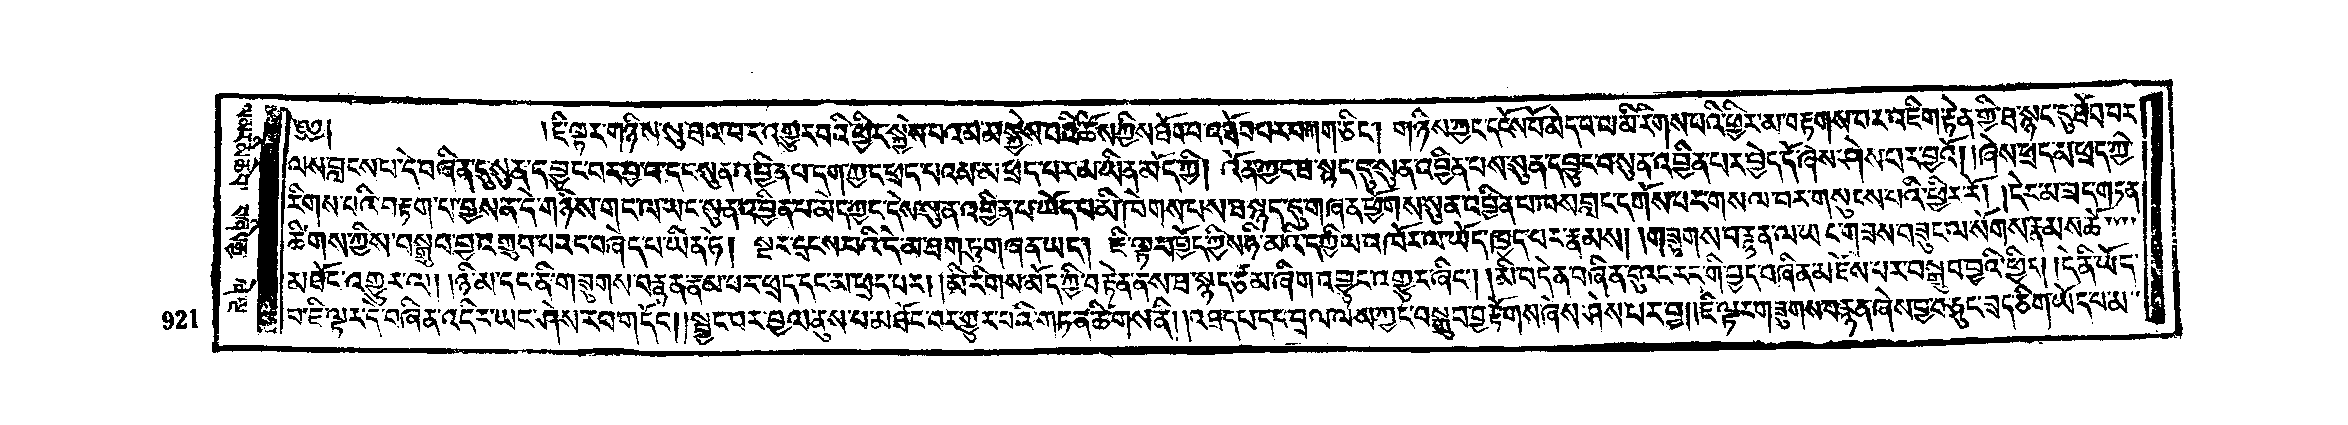༄༅། །ཇི་ལྟར་གཉིས་སུ་ཐལ་བར་འགྱུར་བའི་ཕྱིར་སྐྱེས་པའམ་མ་སྐྱེས་པའི་ཆོས་ཀྱིས་ཐོབ་པ་འཐོབ་པར་བཀག་ཅིང་། གཉིས་ཀྱང་དངོས་པོ་མེད་པ་ལ་མི་རིགས་པའི་ཕྱིར་མ་བརྟགས་པར་འཇིག་རྟེན་གྱི་ཐ་སྙད་དུ་ཐོབ་པར་
ཁས་བླངས་པ་དེ་བཞིན་དུ་སུན་དབྱུང་བར་བྱ་བ་དང་སུན་འབྱིན་པ་དག་ཀྱང་ཕྲད་པའམ་མ་ཕྲད་པར་མ་ཡིན་མོད་ཀྱི། འོན་ཀྱང་ཐ་སྙད་དུ་སུན་འབྱིན་པས་སུན་དབྱུང་བ་སུན་འབྱིན་པར་བྱེད་དོ་ཞེས་ཤེས་པར་བྱའོ། །ཞེས་ཕྲད་མ་ཕྲད་ཀྱི་
རིགས་པའི་བརྟག་པ་བྱས་ན་དེ་གཉིས་གང་ལ་ཡང་སུན་འབྱིན་པ་མེད་ཀྱང་དེས་སུན་འབྱིན་པ་ཡོད་པ་མི་ཁེགས་པས་ཐ་སྙད་དུ་གཞན་ཕྱོགས་སུན་འབྱིན་པ་ཁས་བླང་དགོས་པར་གསལ་བར་གསུངས་པའི་ཕྱིར་རོ། །དེར་མ་ཟད་གཏན་
ཚིགས་ཀྱིས་བསྒྲུབ་བྱ་འགྲུབ་པའང་བཞེད་པ་ཡིན་ཏེ། སྔར་དྲངས་པའི་དེ་མ་ཐག་ཏུ་གཞན་ཡང་། ཇི་ལྟར་ཁྱོད་ཀྱིས་ཉི་མའི་དཀྱིལ་འཁོར་ལ་ཡོད་ཁྱད་པར་རྣམས། །གཟུགས་བརྙན་ལ་ཡང་གཟས་བཟུང་ལ་སོགས་རྣམས་ཚེ་
མཐོང་འགྱུར་ལ། །ཉི་མ་དང་ནི་གཟུགས་བརྙན་རྣམ་པར་ཕྲད་དང་མ་ཕྲད་པར། །མི་རིགས་མོད་ཀྱི་བརྟེན་ནས་ཐ་སྙད་ཙམ་ཞིག་འབྱུང་འགྱུར་ཞིང་། །མི་བདེན་བཞིན་དུའང་རང་གི་བྱད་བཞིན་མཛེས་པར་བསྒྲུབ་བྱའི་ཕྱིར། །དེ་ནི་ཡོད་
པ་ཇི་ལྟར་དེ་བཞིན་འདིར་ཡང་ཤེས་རབ་གདོང་། །སྦྱང་བར་བྱ་ལ་ནུས་པ་མཐོང་བར་གྱུར་པའི་གཏན་ཚིགས་ནི། །འཐད་པ་དང་བྲལ་ལས་ཀྱང་བསྒྲུབ་བྱ་རྟོགས་ཞེས་ཤེས་པར་བྱ། །ཇི་ལྟར་གཟུགས་བརྙན་ཞེས་བྱ་བ་ཅུང་ཟད་ཅིག་ཡོད་པ་མ་